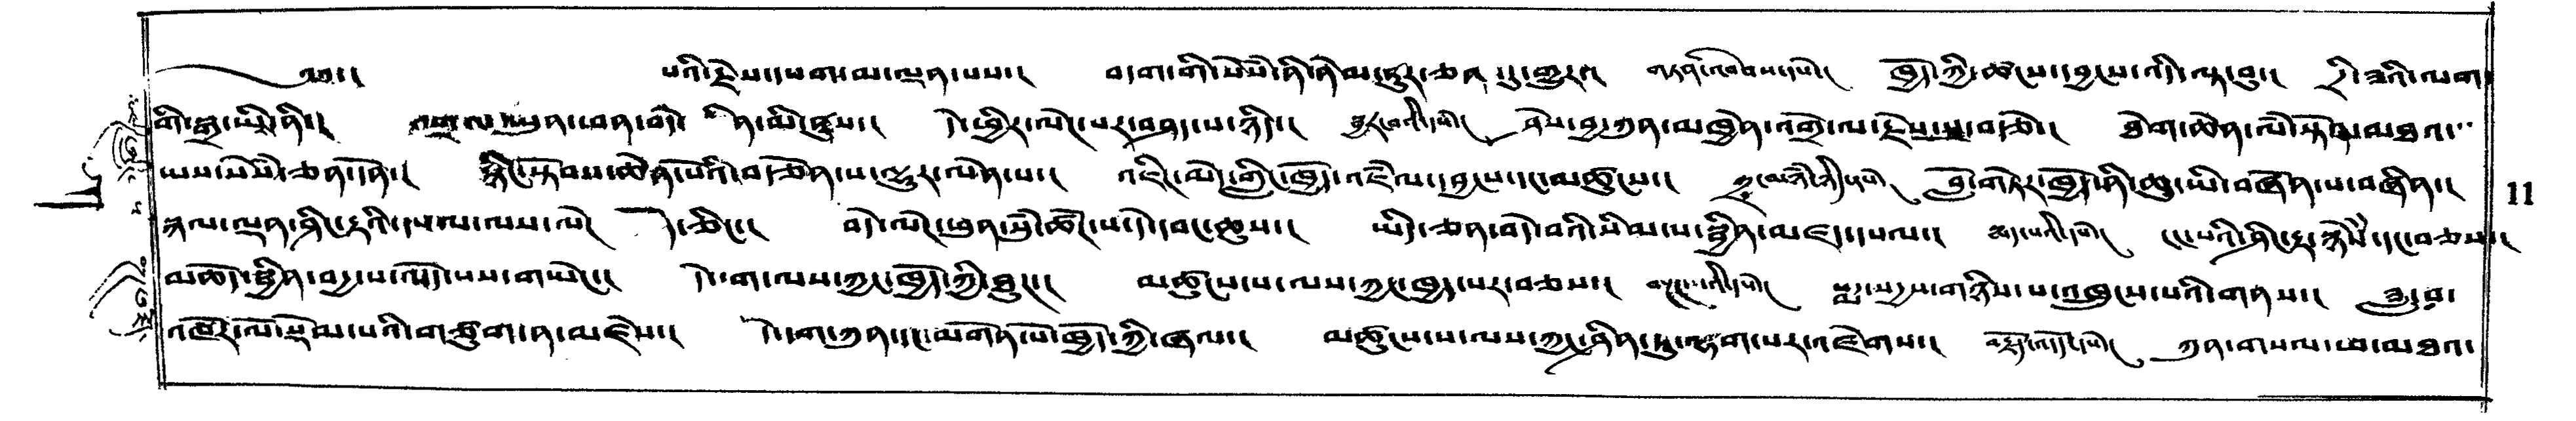པའི་རྗེས་དཔག་མ་ལྡན་པས། །བདག་གི་སེམས་ནི་ནེམ་ནུར་ཅན་དུ་གྱུར། །གཏན་འབེབས་དཔེ། ཁྱོད་ཀྱི་ཚངས་དབྱངས་འདི་ལྟ་བུ། །དྲི་ཟའི་ལག་
གི་སྒྲ་ཡིས་ནི། །འཕྲལ་ཡུན་ཕན་བདེ་སྒྲུབ་མི་ནུས། །དེ་ཕྱིར་ལེགས་པར་བཤད་པ་ཉིད། ། སྦྱར་བའི་དཔེ། ཤེས་བྱ་ཀུན་མཁྱེན་འགྲོ་ལ་རྗེས་སུ་བརྩེ། །ཐེག་ཆེན་ལམ་སྟོན་མཐའ་
ཡས་སེམས་ཅན་དོན། །སྙིང་སྟོབས་ཆེན་པོའི་བརྩོན་པ་ལྷུར་ལེན་པའི། །འཇིགས་མེད་གླིང་ཁྱོད་འཇམ་དཔལ་དབྱངས་དང་མཚུངས། ། མཉམ་ཉིད་དཔེ། བློ་གཏེར་ཁྱོད་ནི་ཆུ་ཡི་བཞོན་པ་བཞིན། །
སྐལ་ལྡན་ཤིང་རྟའི་དཔལ་ལས་ལེགས་ཐོབ་ཅིང་། །བདེ་ལེགས་ཕུན་སུམ་ཚོགས་པ་དེ་དབང་ཆུས། །ཡིད་ཅན་བདེ་བའི་སེམས་པ་སྦྱིན་མཛད་དཔལ། ། སྨད་པའི་དཔེ། ངང་པའི་ཤིང་རྟ་སྙེམས་དང་བཅས། །
མཆོད་སྦྱིན་བརྒྱ་པ་འདོད་པས་གཡེང་། །དེ་དག་ལས་ཀྱང་ཁྱོད་ཀྱི་ཐུགས། །མཚུངས་པ་ལས་ཀྱང་ཁྱད་པར་བཅས། ། བསྔགས་པའི་དཔེ། པདྨ་སངས་རྒྱས་གཉིས་པ་འཁྲུངས་པའི་གནས། །ཟླ་བ་
འཁོར་ལོ་སྡོམ་པའི་གཙུག་ན་མཛེས། །དེ་དག་ཀུན་དང་མགོན་པོ་ཁྱོད་ཀྱི་ཞལ། །མཚུངས་པ་ལས་ཀྱང་ཤིན་ཏུ་ལྷག་པར་མཛེས། ། བརྗོད་འདོད་དཔེ། ཀུན་གསལ་ཕ་མཐའ་